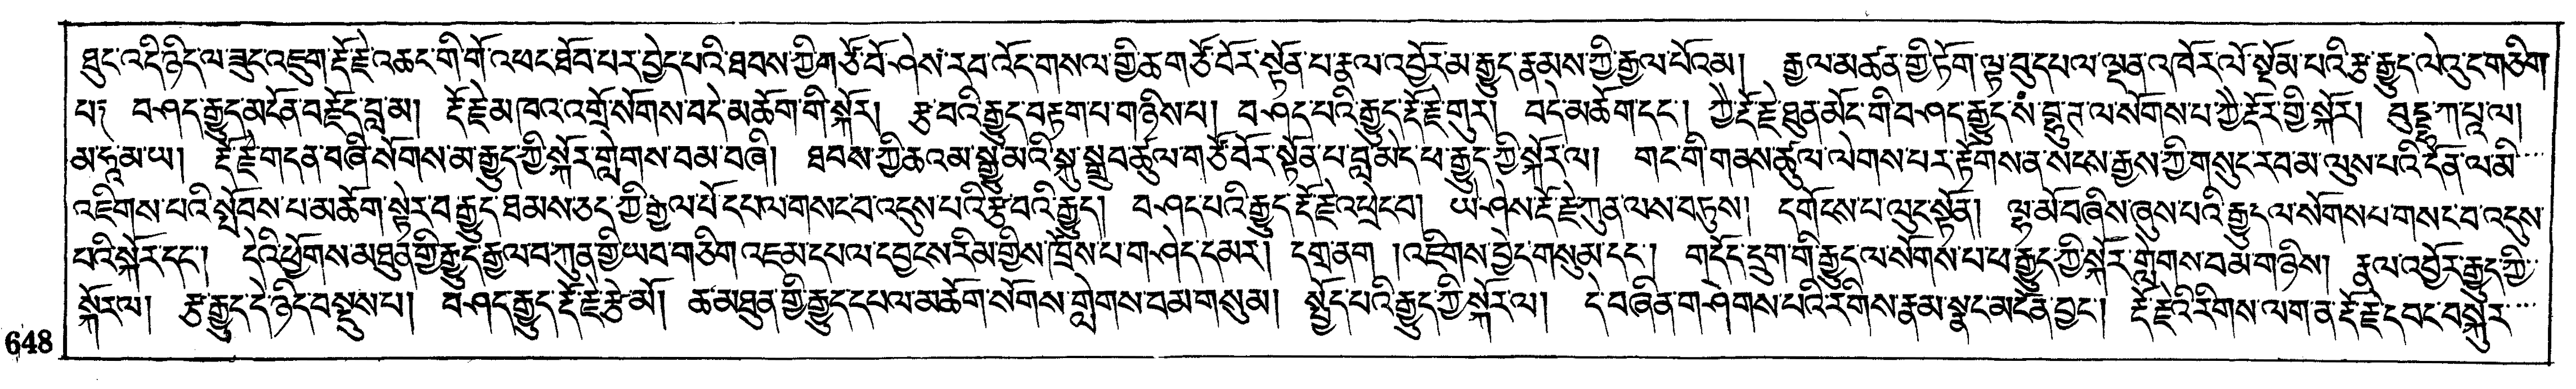ཐུང་འདི་ཉིད་ལ་ཟུང་འཇུག་རྡོ་རྗེ་འཆང་གི་གོ་འཕང་ཐོབ་པར་བྱེད་པའི་ཐབས་ཀྱི་གཙོ་བོ་ཤེས་རབ་འོད་གསལ་གྱི་ཆ་གཙོ་བོར་སྟོན་པ་རྣལ་འབྱོར་མ་རྒྱུད་རྣམས་ཀྱི་རྒྱལ་པོའམ། རྒྱལ་མཚན་གྱི་ཏོག་ལྟ་བུ་དཔལ་ལྡན་འཁོར་ལོ་སྡོམ་པའི་རྩ་རྒྱུད་ལེའུ་གཅིག་
པ༑ བཤད་རྒྱུད་མངོན་བརྗོད་བླ་མ། རྡོ་རྗེ་མཁའ་འགྲོ་སོགས་བདེ་མཆོག་གི་སྐོར། རྩ་བའི་རྒྱུད་བརྟག་པ་གཉིས་པ། བཤད་པའི་རྒྱུད་རྡོ་རྗེ་གུར། བདེ་མཆོག་དང་། ཀྱི་རྡོ་རྗེ་ཐུན་མོང་གི་བཤད་རྒྱུད་སཾ་བྷུ་ཊ་ལ་སོགས་པ་ཀྱཻ་རྡོར་གྱི་སྐོར། བུདྡྷ་ཀ་པཱ་ལ།
མ་ཧཱ་མ་ཡ། རྡོ་རྗེ་གདན་བཞི་སོགས་མ་རྒྱུད་ཀྱི་སྐོར་གླེགས་བམ་བཞི། ཐབས་ཀྱི་ཆའམ་སྒྱུ་མའི་སྐུ་སྒྲུབ་ཚུལ་གཙོ་བོར་སྟོན་པ་བླ་མེད་ཕ་རྒྱུད་ཀྱི་སྐོར་ལ། གང་གི་གནས་ཚུལ་ལེགས་པར་རྟོགས་ན་ཡངས་རྒྱས་ཀྱི་གསུང་རབ་མ་ལུས་པའི་དོན་ལ་མི་
འཇིགས་པའི་སྤོབས་པ་མཆོག་སྟེར་བརྒྱུད་ཐམས་ཅད་ཀྱི་རྒྱལ་པོ་དཔལ་གསང་བ་འདུས་པའི་རྩ་བའི་རྒྱུད། བཤད་པའི་རྒྱུད་རྡོ་རྗེ་འཕྲེང་བ། ཡེ་ཤེས་རྡོ་རྗེ་ཀུན་ལས་བཏུས། དགོངས་པ་ལུང་སྟོན། ལྷ་མོ་བཞིས་ཞུས་པའི་རྒྱུད་ལ་སོགས་པ་གསང་བ་འདུས་
པའི་སྐོར་དང་། དེའི་ཕྱོགས་མཐུན་གྱི་རྒྱུད་རྒྱལ་བ་ཀུན་གྱི་ཡབ་གཅིག་འཇམ་དཔལ་དབྱངས་རིམ་གྱིས་ཁྲོས་པ་གཤེད་དམར། དགྲ་ནག །འཇིགས་བྱེད་གསུམ་དང་། གདོང་དྲུག་གི་རྒྱུད་ལ་སོགས་པ་ཕ་རྒྱུད་ཀྱི་སྐོར་གླེགས་བམ་གཉིས། རྣལ་འབྱོར་རྒྱུད་ཀྱི་
སྐོར་ལ། རྩ་རྒྱུད་དེ་ཉིད་བསྡུས་པ། བཤད་རྒྱུད་རྡོ་རྗེ་རྩེ་མོ། ཆ་མཐུན་གྱི་རྒྱུད་དཔལ་མཆོག་སོགས་གླེགས་བམ་གསུམ། སྤྱོད་པའི་རྒྱུད་ཀྱི་སྐོར་ལ། དེ་བཞིན་གཤགས་པའི་རིགས་རྣམ་སྣང་མདོན་བྱང་། རྡོ་རྗེའི་རིགས་ལག་ན་རྡོ་རྗེ་དབང་བསྐུར་